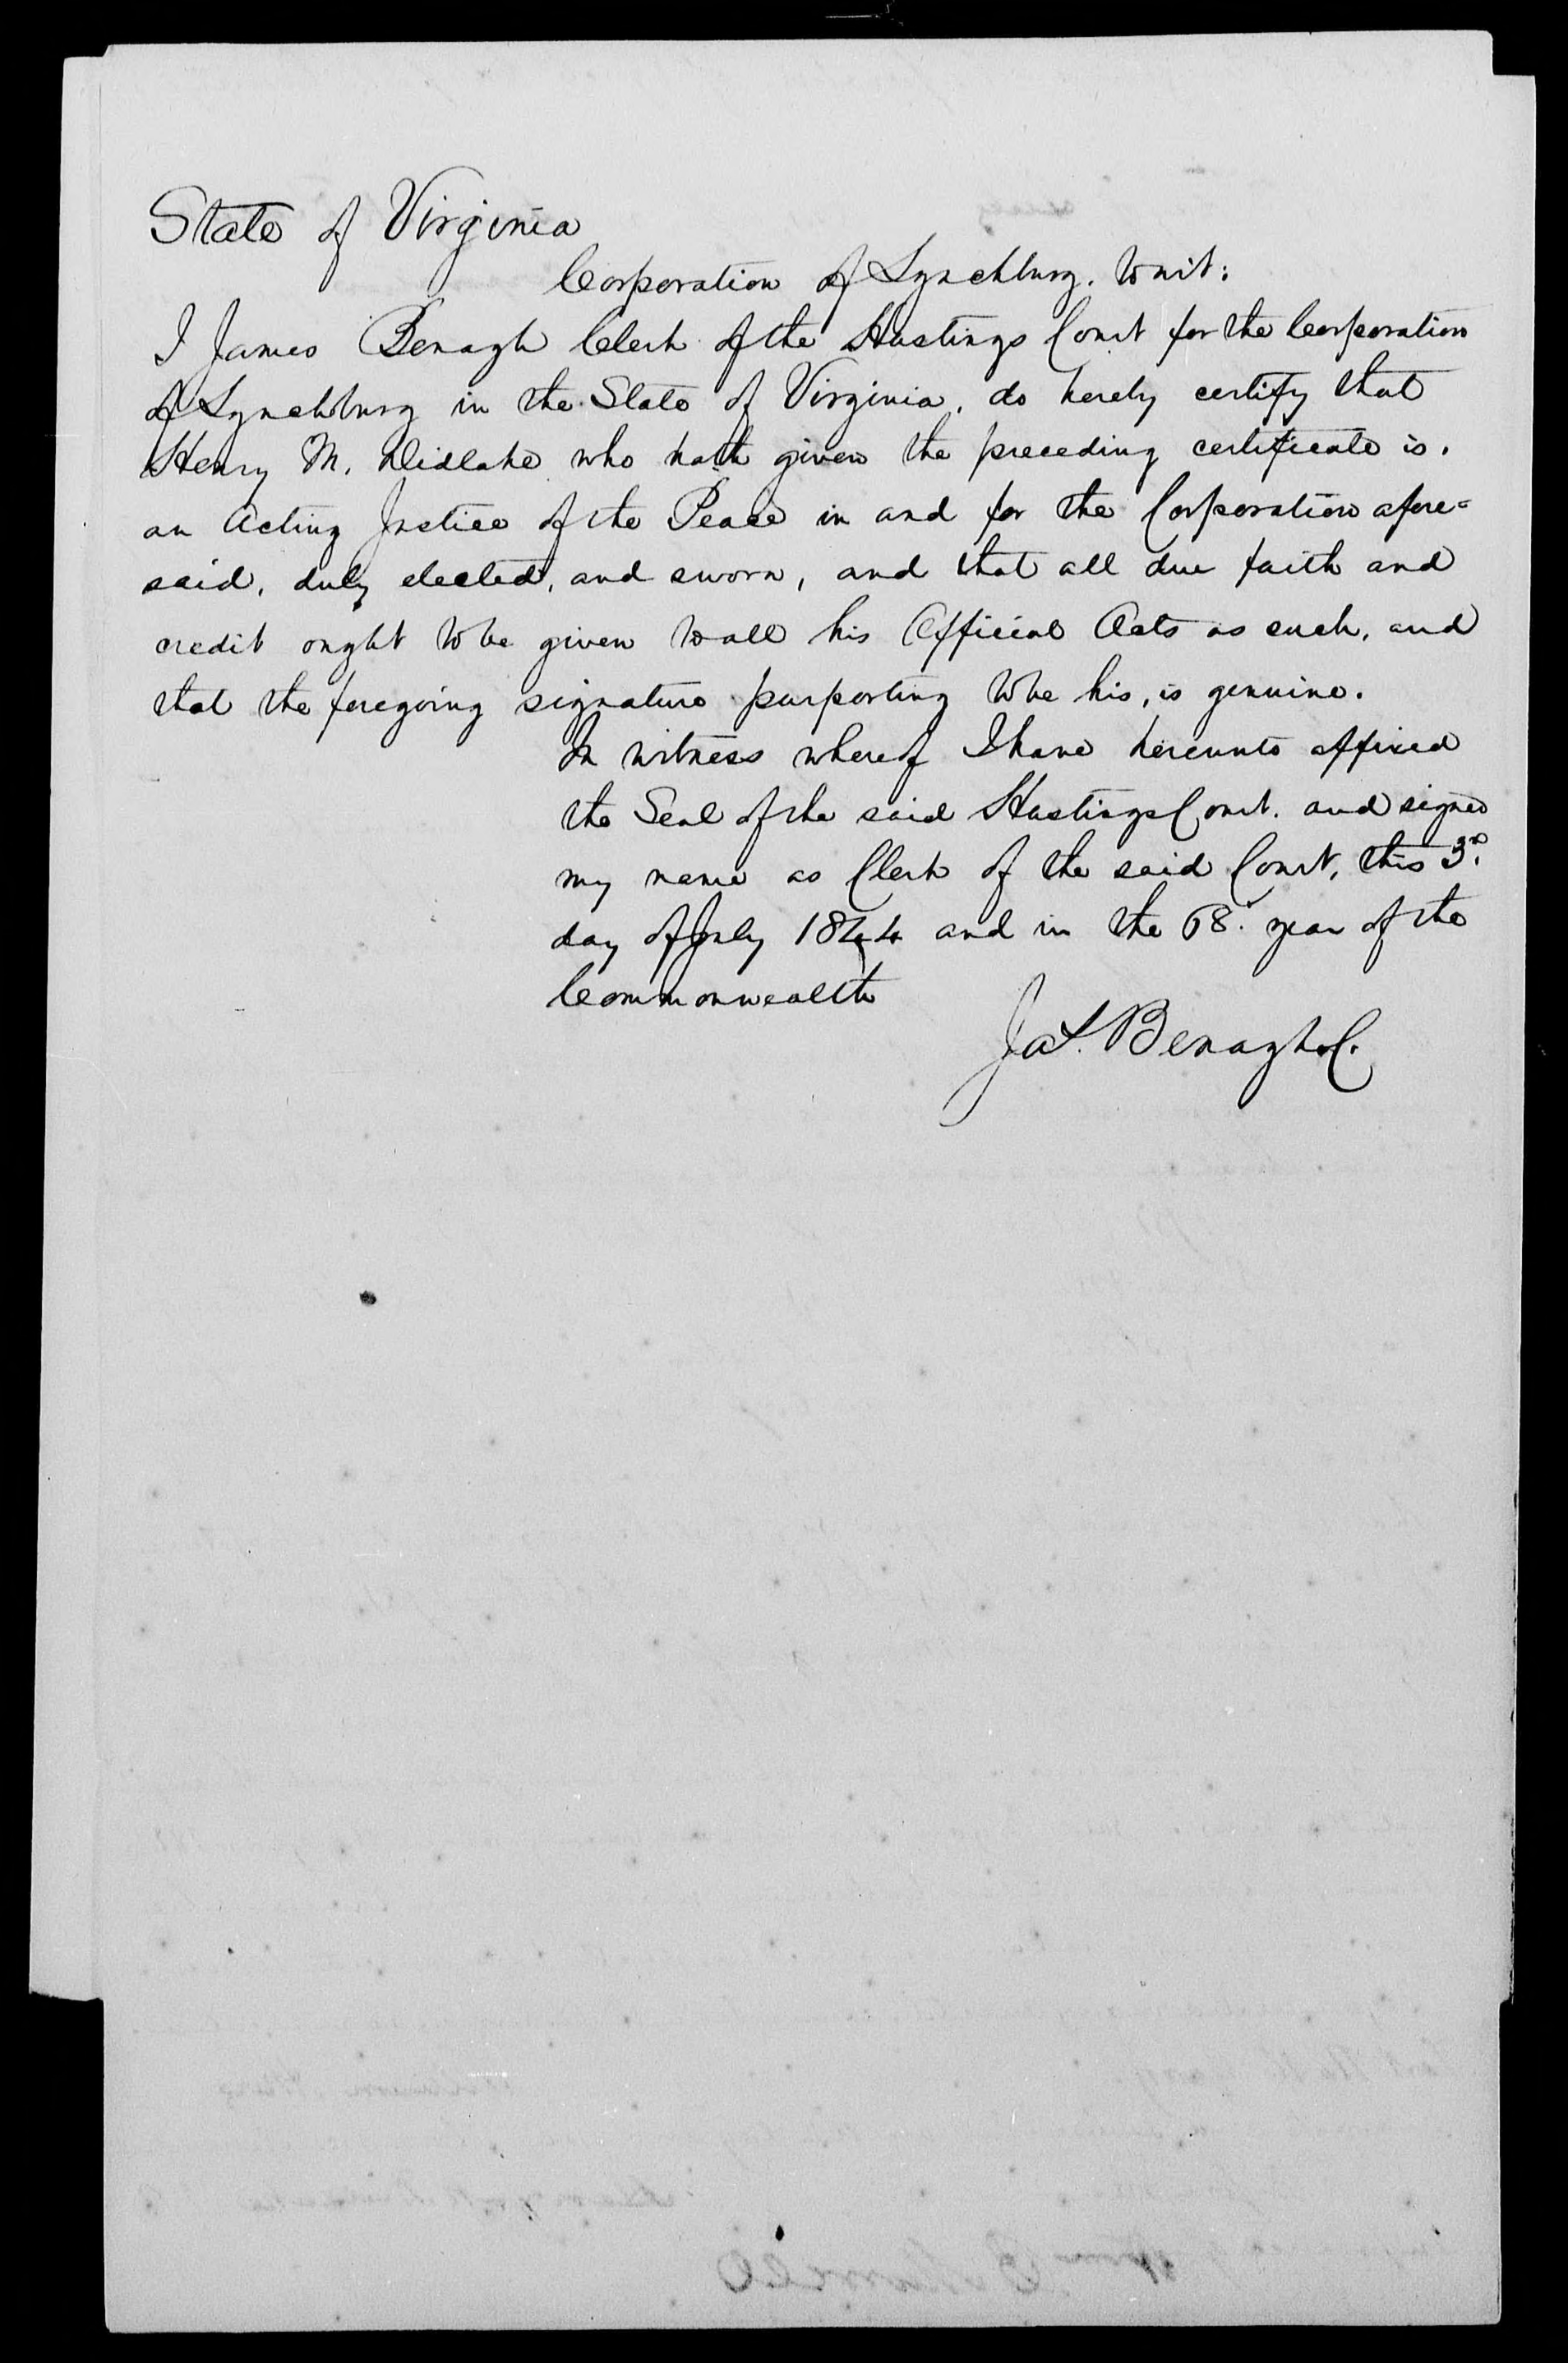State of Virginia
Corporation of Lynchburg, Virgina.

I James Benagh clerk of the Hastings Court for the Corporation of Lynchburg in the State of Virginia, do hereby certify that Henry M. Didlake who hath given the foregoing certificate is an acting Justice of the Peace in and for the Corporation aforesaid, duly elected, and sworn, and that all due faith and credit ought to be given to all his official acts as such, and also the foregoing signature purporting to be his, is genuine. 

In witness whereof, I have hereunto Affixed the Seal of the said Hastings Court, and signed my name as Clerk of the said Court, this 3rd day of July 1844 and in the 68: year of the Commonwealth

[signature] Jas. Benagh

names: Henry M Didlake, Jas Benagh, James Benagh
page: 15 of 31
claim: widow's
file: W. 3759, John Bryan, Va.